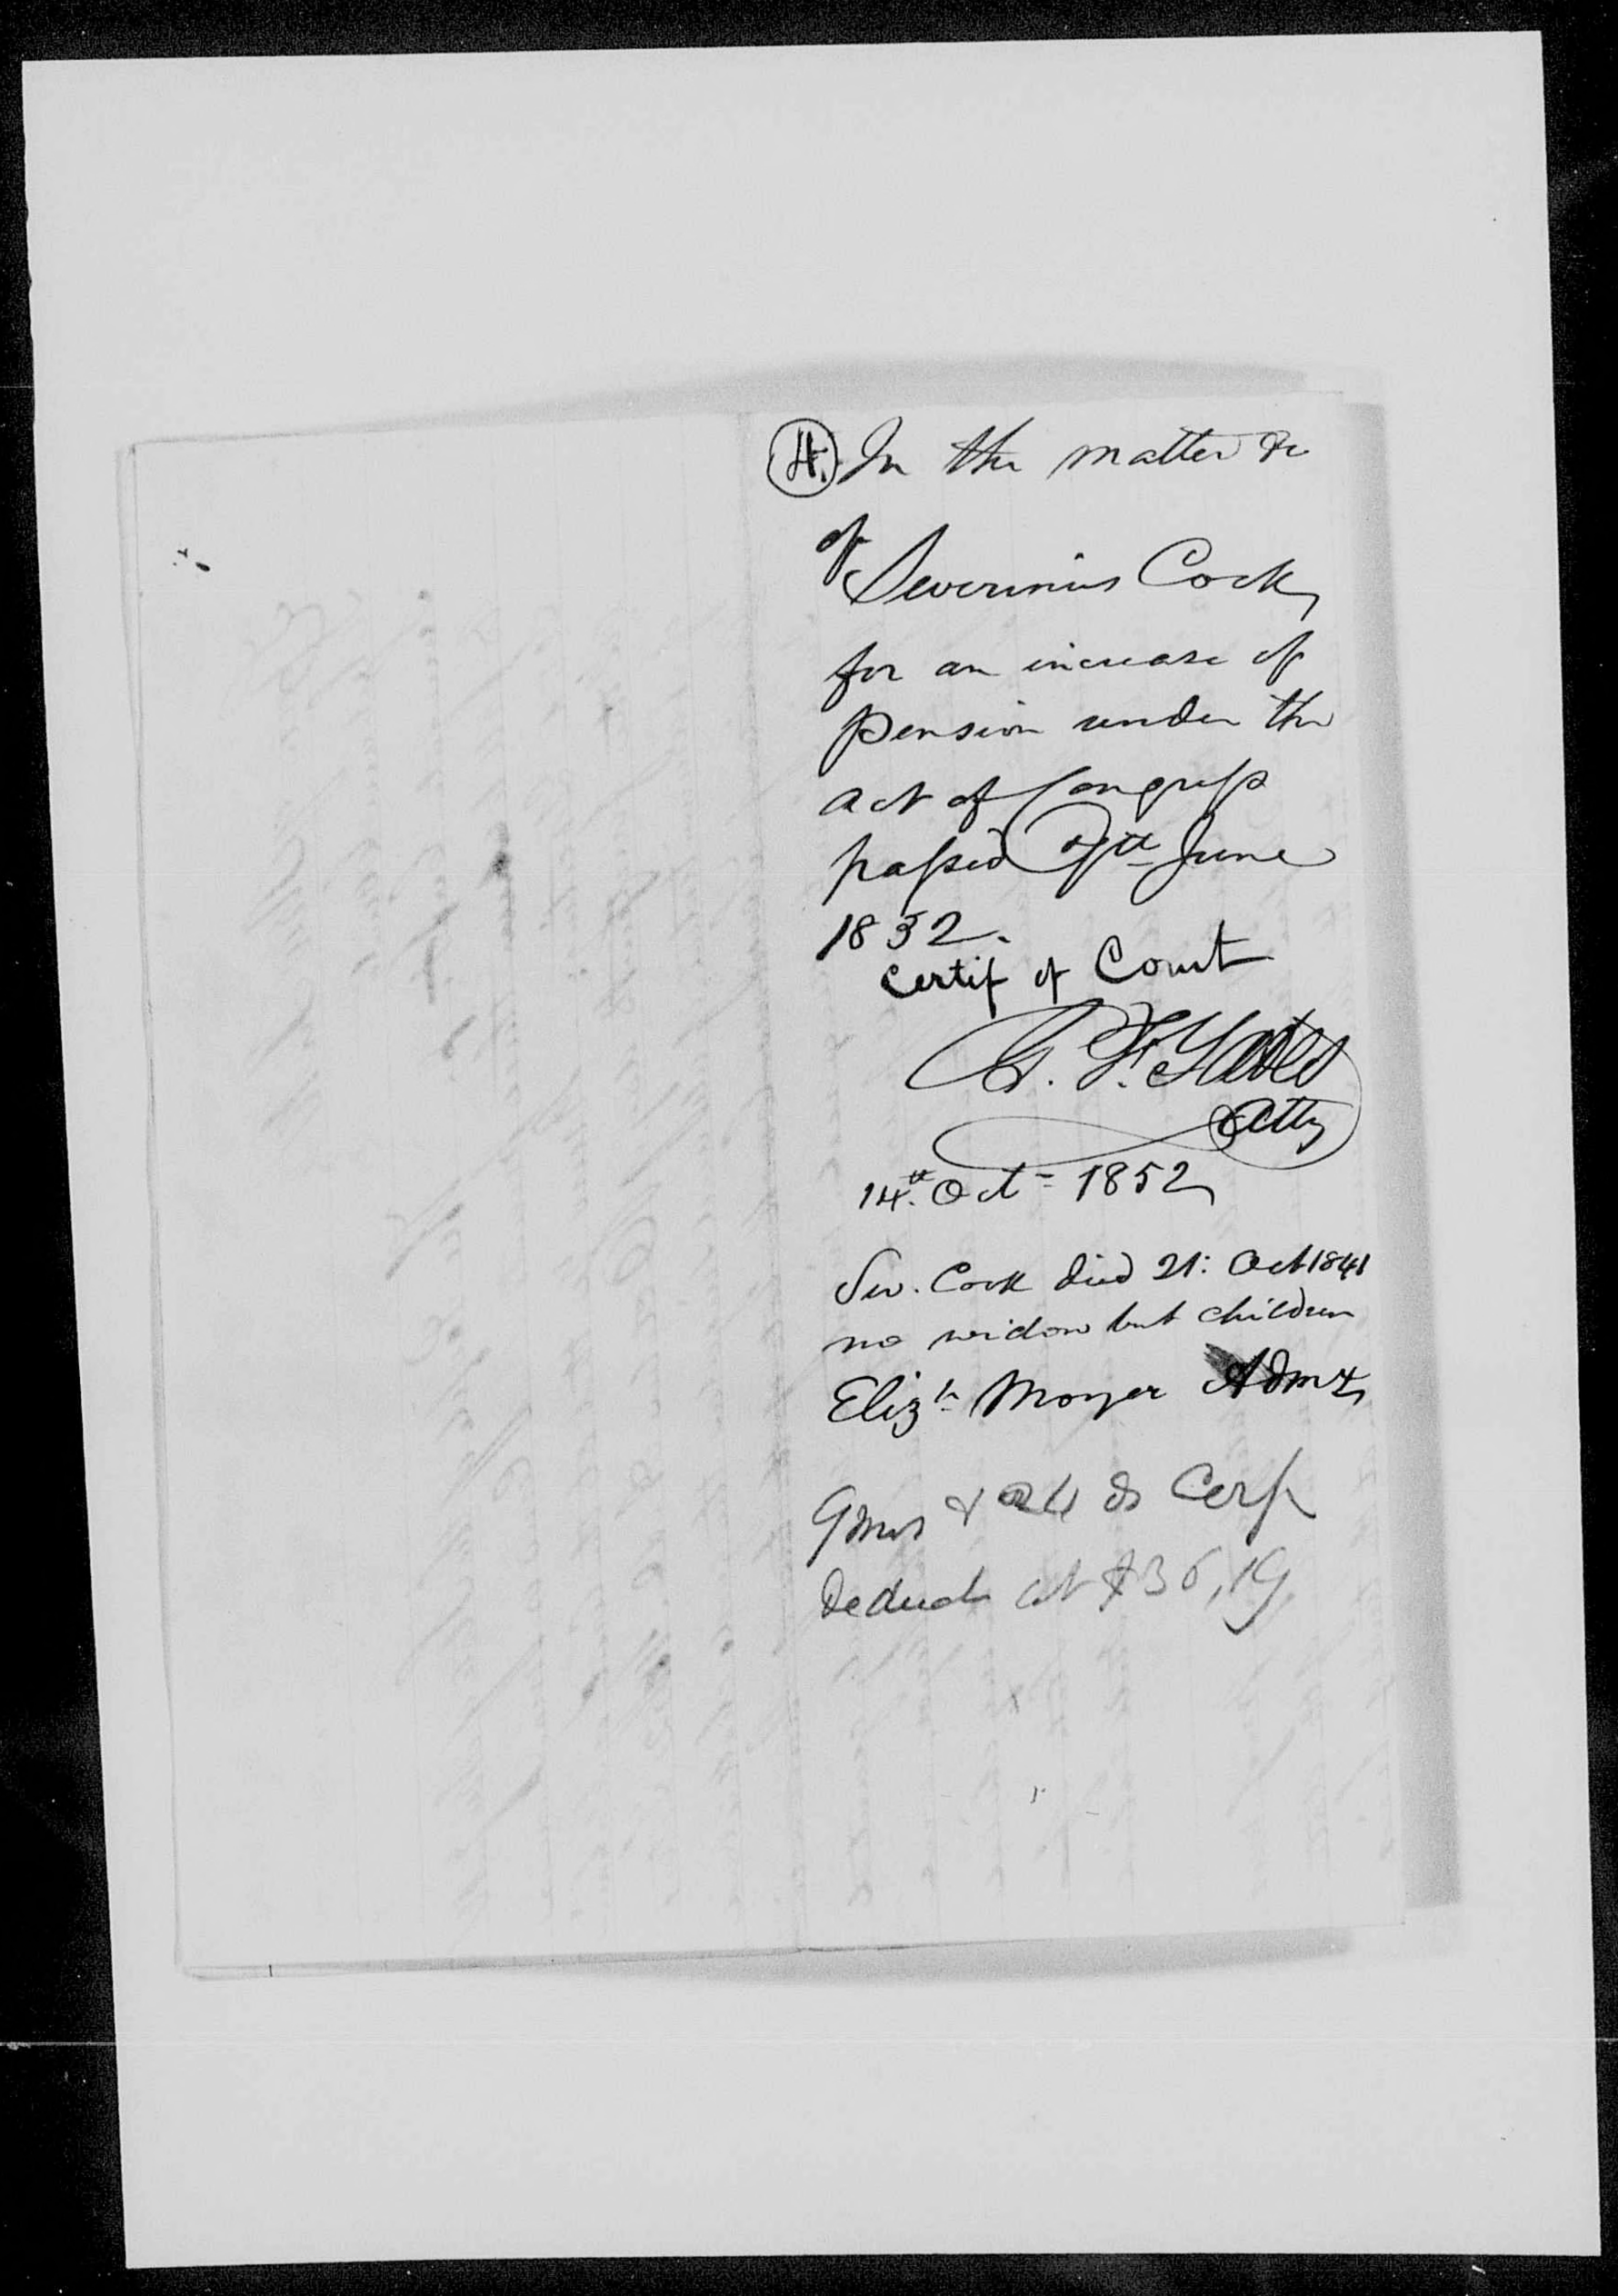4. In the matter &c of Severinus Cook, for an increase of pension under the act of Congress passed 7th June 1832.

Certif of Court

G.F. Yates Atty

14th Oct 1852

Sev Cook died 21 Oc 1841
No widow but children
Elizb Moyer Adm
9 mos & 4 d cert
Deduct at $36.19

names: Severinus Cook, Elizh Moyer, G F Yates, Sev Cook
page: 9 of 51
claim: survivor's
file: S. 12563, Severinus Cook, New York